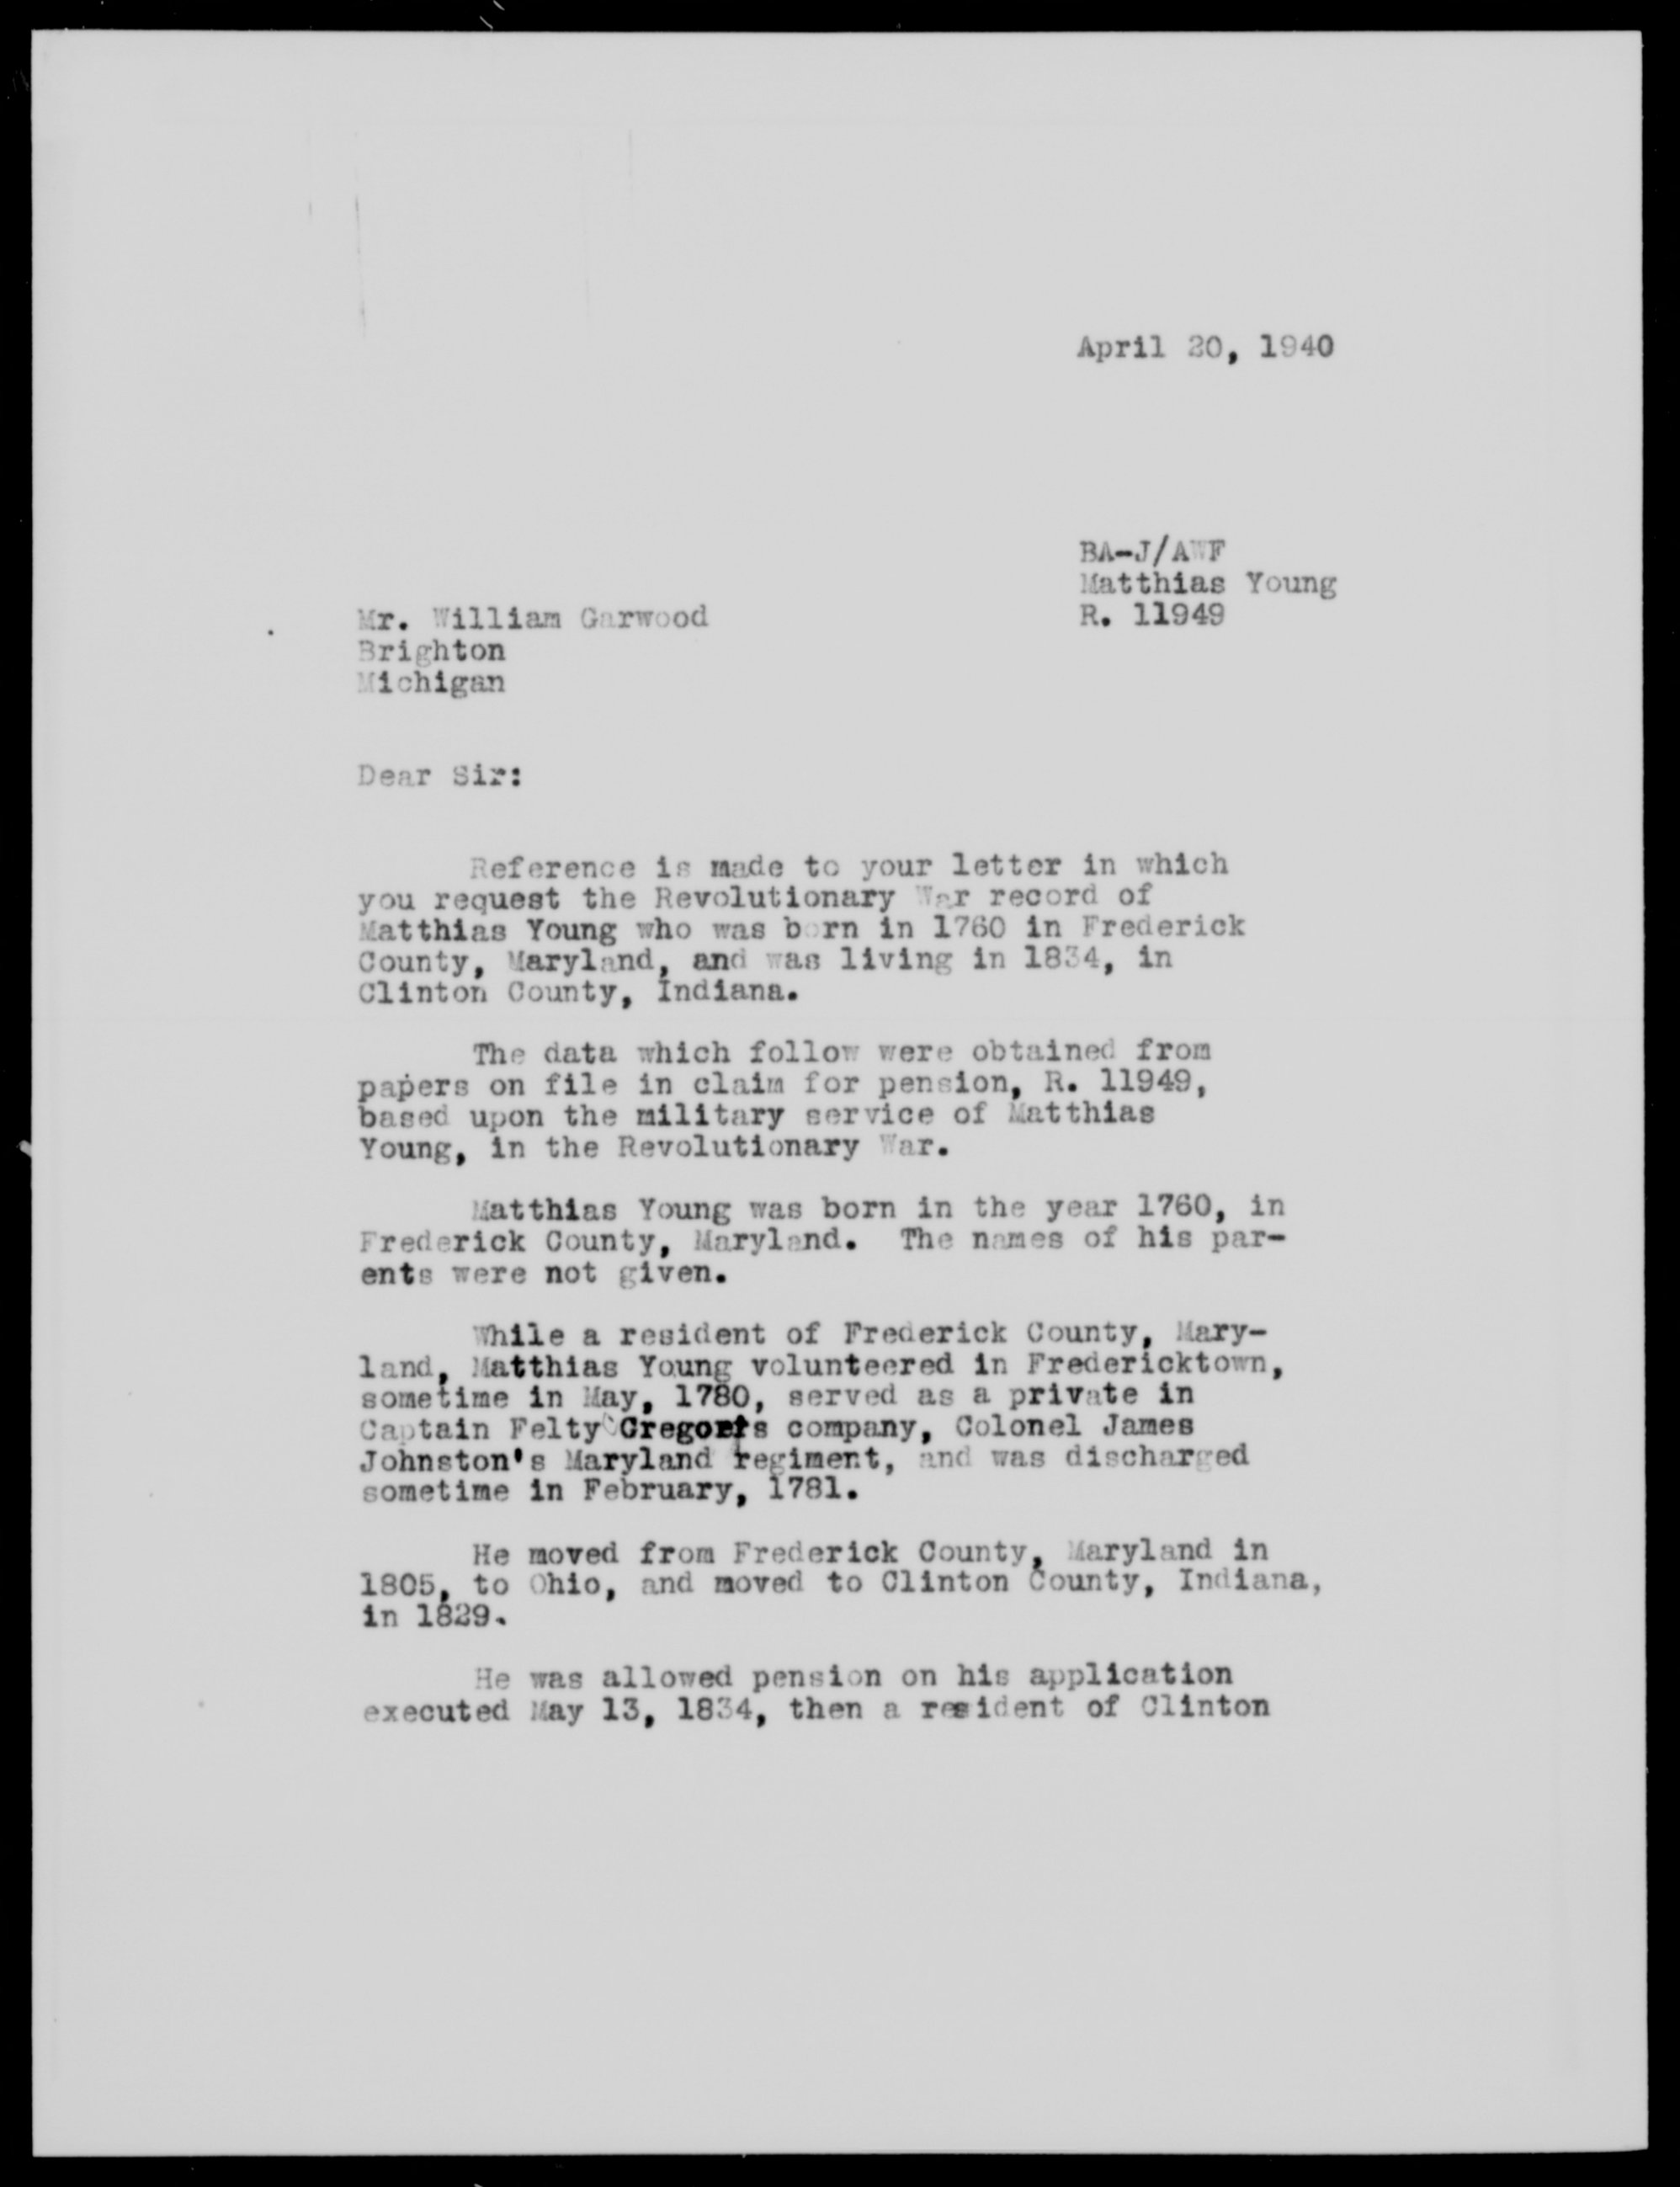April 20, 1940
BA-J/AWF
Matthias Young
R. 11949

Mr. William Garwood
Brighton
Michigan
Dear Sir:
Reference is made to your letter in which
you request the Revolutionary War record of
Matthias Young who was born in 1760 in Frederick
County, Maryland, and was living in 1834, in
Clinton County, Indiana.
The data which follow were obtained from
papers on file in claim for pension, R. 11949,
based upon the military service of Matthias
Young, in the Revolutionary War.
Matthias Young was born in the year 1760, in
Frederick County, Maryland. The names of his parents were not given.
While a resident of Frederick County, Maryland, Matthias Young volunteered in Fredericktown,
sometime in May, 1780, served as a private in
Captain Felty Cregor's company, Colonel James
Johnston's Maryland regiment, and was discharged
sometime in February, 1781.
He moved from Frederick County, Maryland in 1805, to Ohio, and moved to Clinton County, Indiana,
in 1829.
He was allowed pension on his application
executed May 13, 1834, then a resident of Clinton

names: Matthias Young, William Garwood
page: 38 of 123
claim: rejected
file: R. 11,949, Matthias Young, Md.